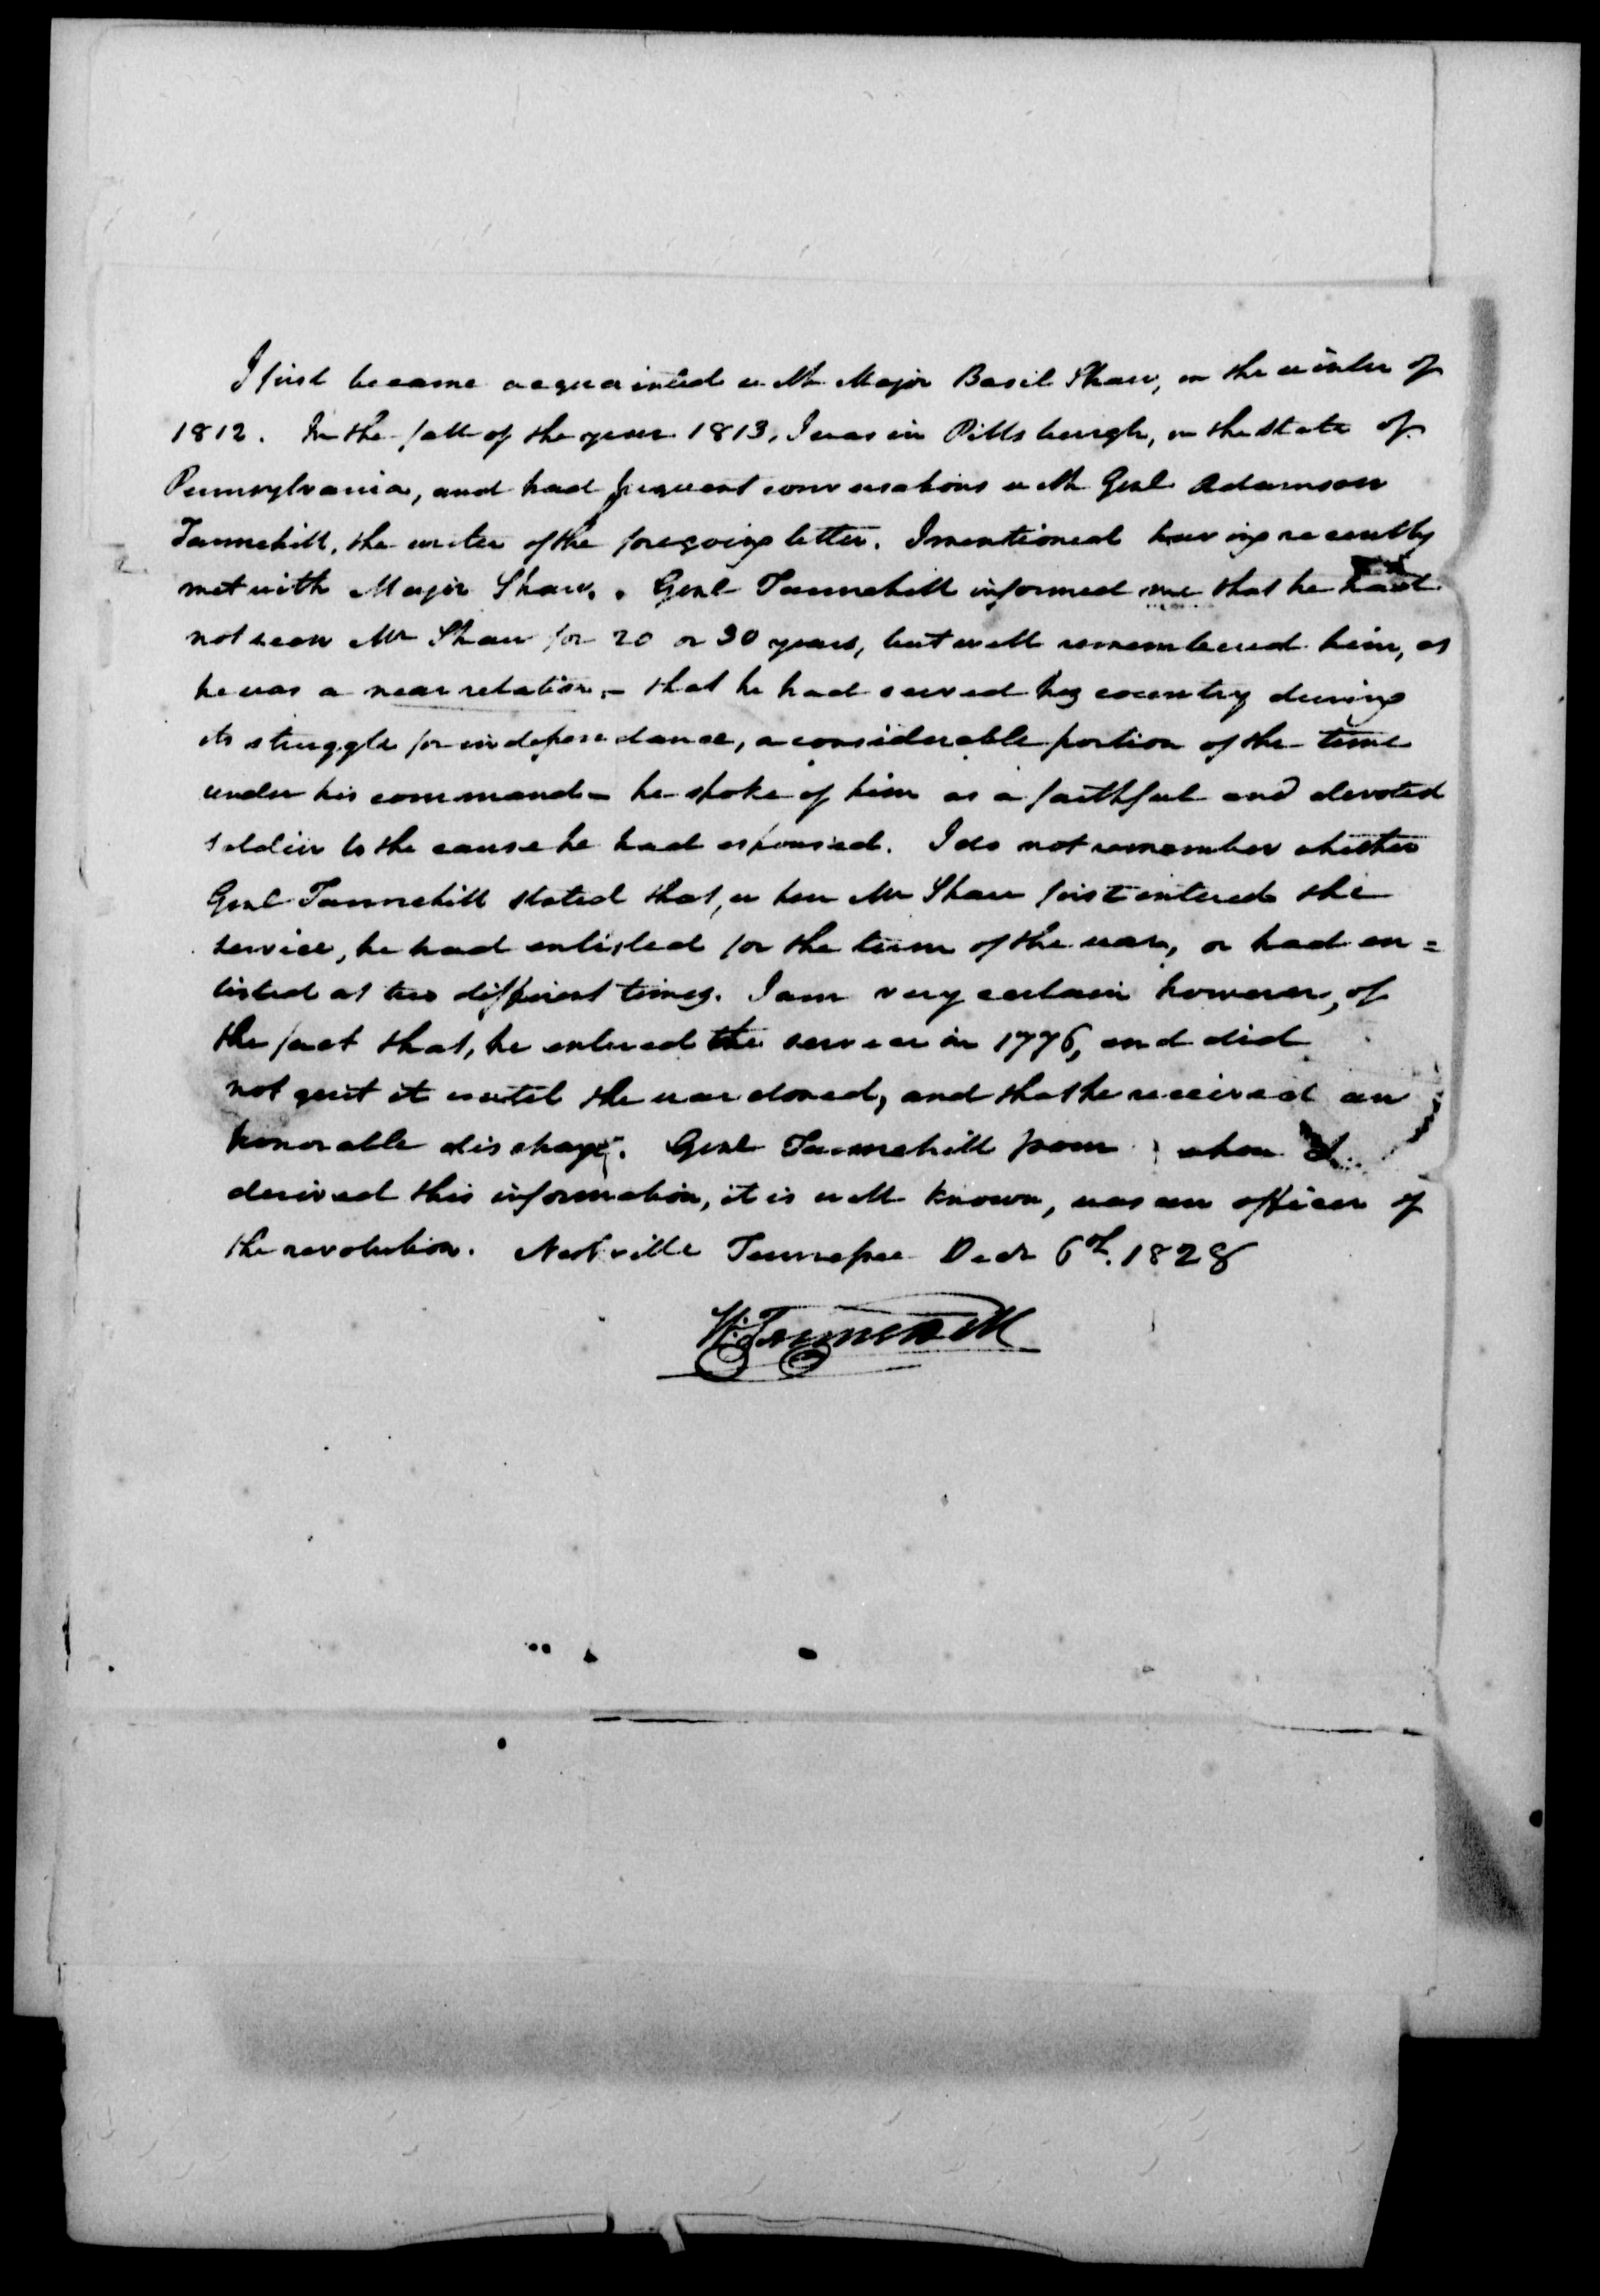I first became acquainted with Major Basil Shaw, in the winter of
1812. In the fall of the year 1813, I was in Pittsburgh, in the State of
Pennsylvania, and had frequent conversations with Genl. Adamson
Tannehill, the writer of the foregoing letter. I mentioned having recently
met with Major Shaw. Genl. Tannehill informed me that he had
not seen Mr. Shaw for 20 or 30 years, but well remembered him, as
he was a near relation - that he had served his country during
its struggle for independence, a considerable portion of the time
under his command - he spoke of him as a faithful and devoted
soldier to the cause he had esposed I do not remember whether
Genl. Tannehill noted that, as has Mr. Shaw first entered the
service, he had enlisted for the term of the war, or had enlisted
at two different times. I am very certain however, of
the fact that, he entered the service in 1776, and did
not quit it until the war ended, and that he received an
honorable discharge: Genl. Tannehill from whom I
derived this information, it is well known, was an officer of
the Revolution. Nashville Tennessee Decr. 6th 1828
W Tannehill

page: 31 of 32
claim: survivor's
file: S. 16,526, for Basil Shaw, Maryland